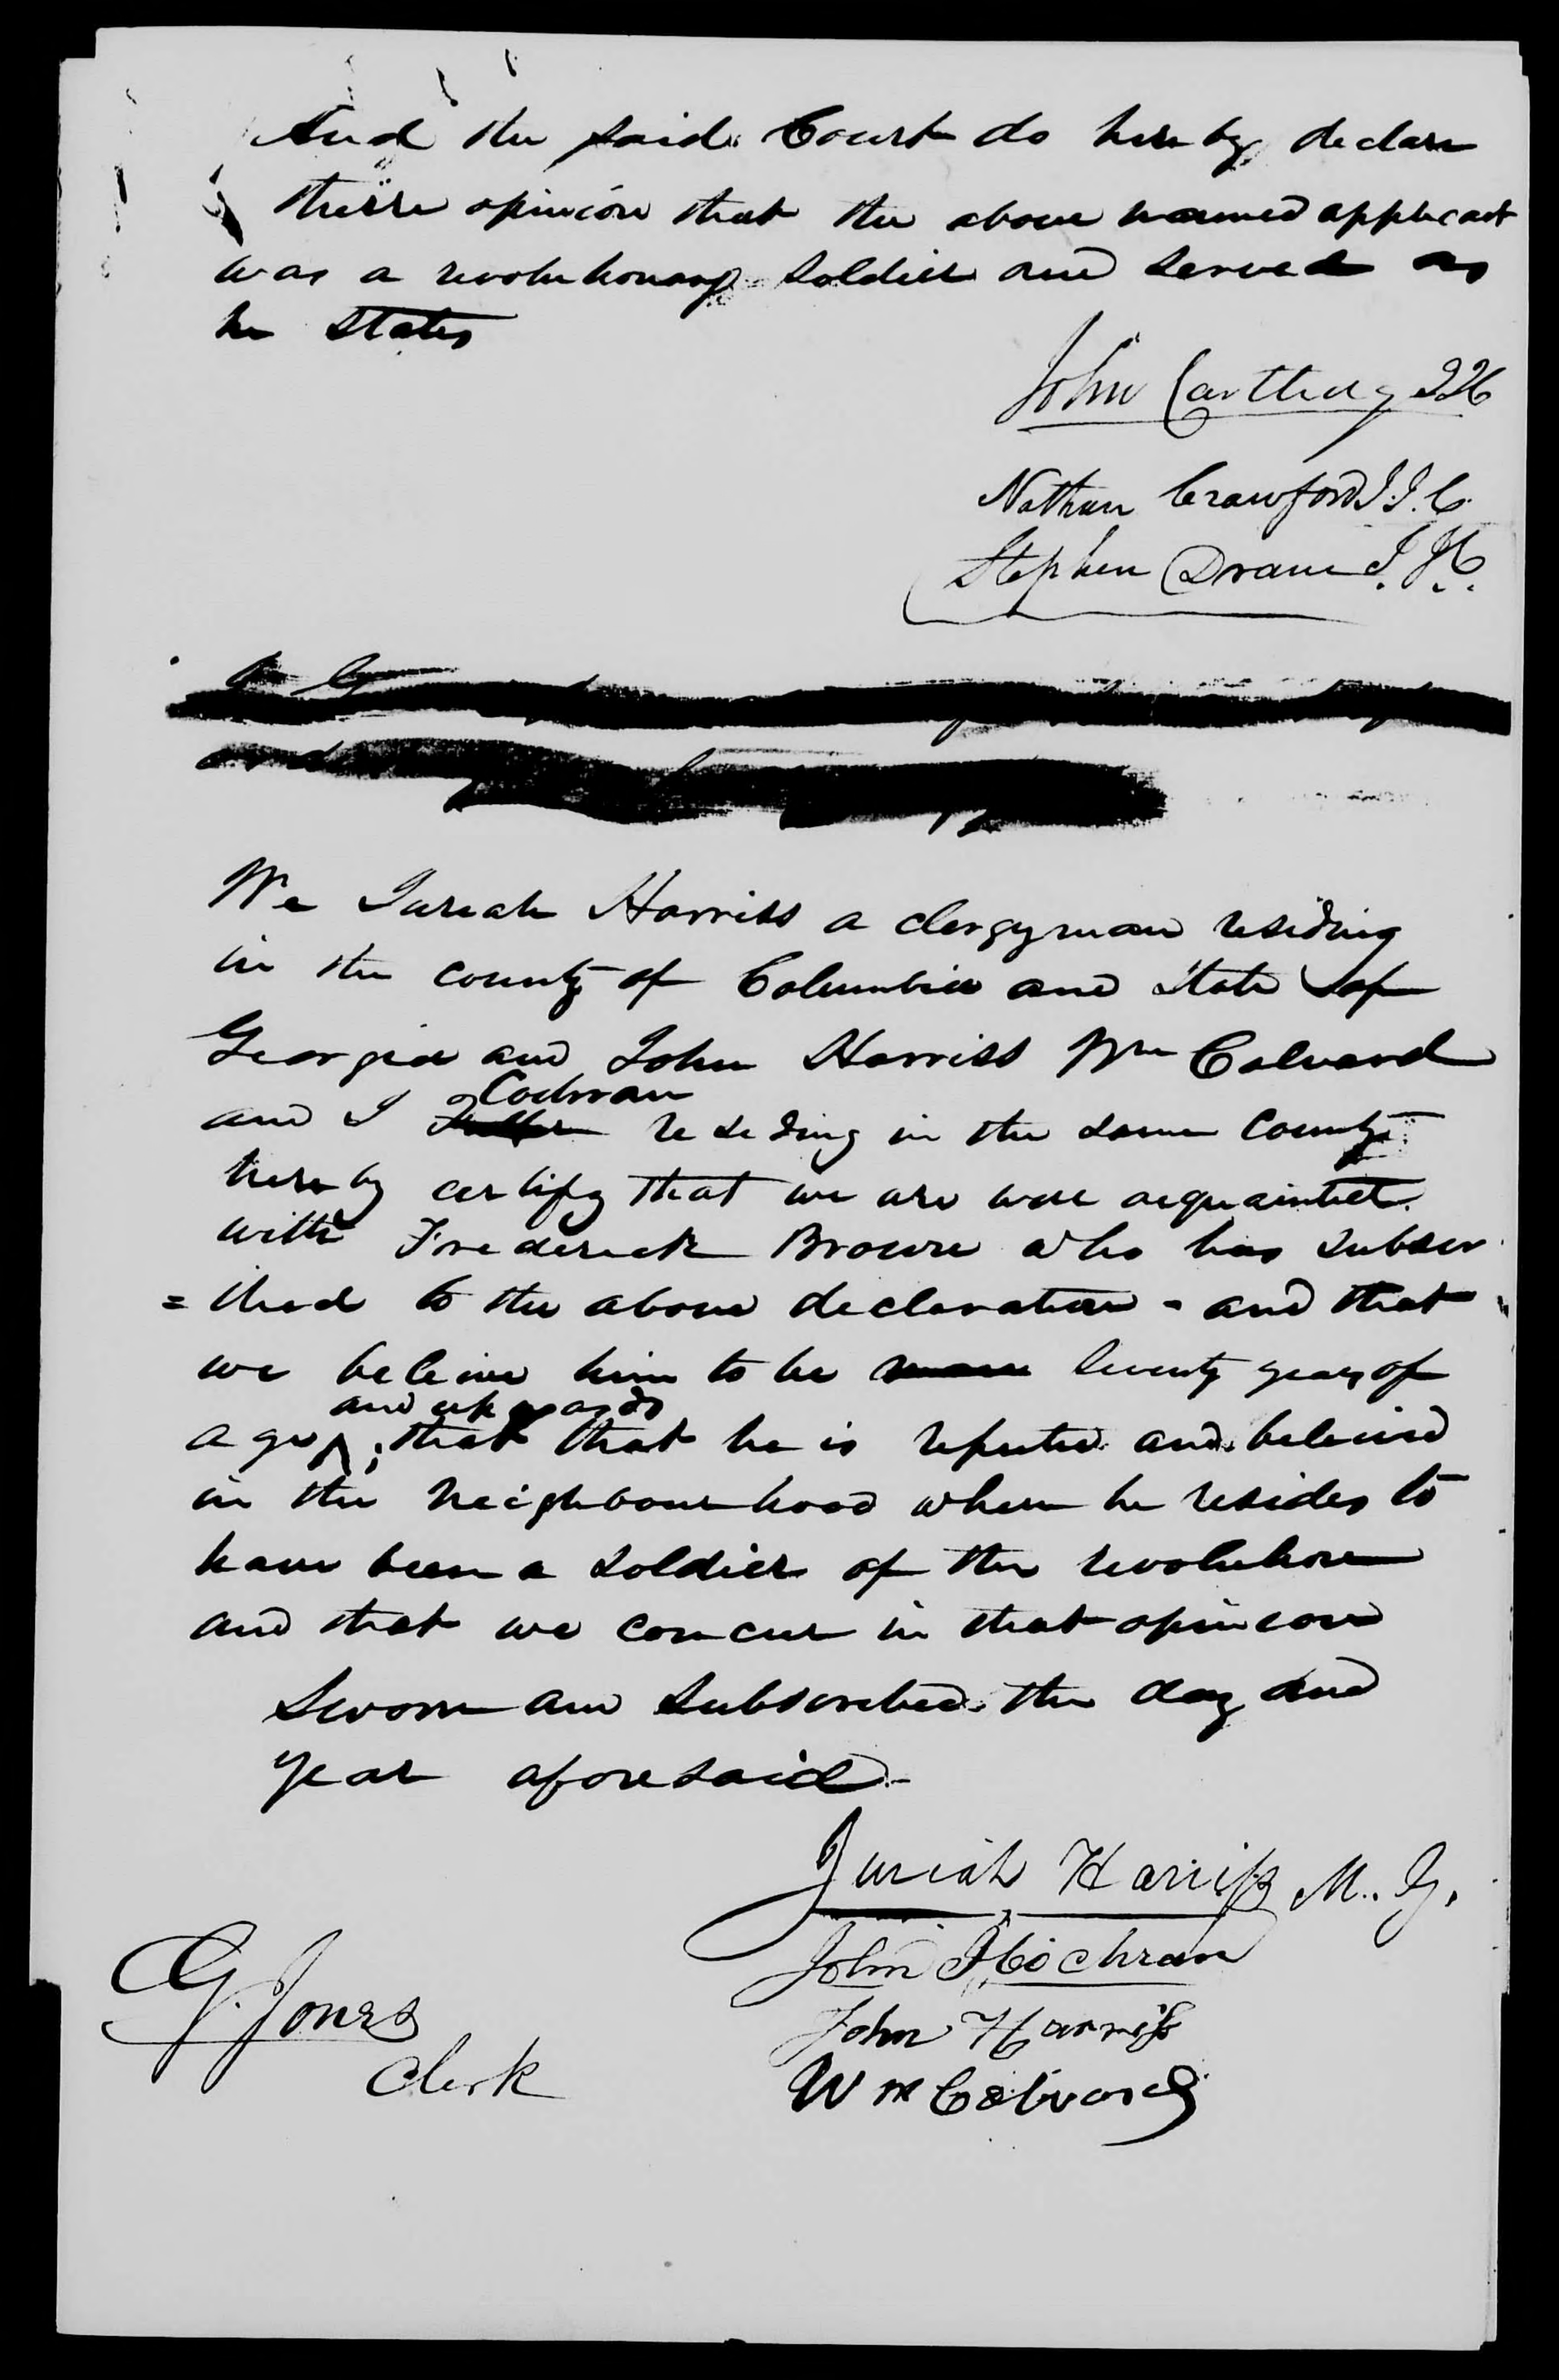And the said court do hereby declare their opinion that the above named applicant was a revolutionary soldier and served as he states
John Carthage {illegible}
Nathan Crawford {illegible}
Stephen {illegible} {illegible}
We Josiah Harriss a clergyman residing in the county of Columbia and State of Georgia and John Harriss {illegible} and J Cochran residing in the same county hereby certify that we are acquainted with Frederick Brown who has subscribed the above declaration and that we believe him to be seventy years of age and {illegible} as that he is {illegible} and believed in the neighborhood where he resides to have been a soldier of the revolution and that we concur in that opinion
Sworn and subscribed this day and year aforesaid
Josiah Harris {illegible}
John J Cochran
John Harris
Wm {illegible}
G Jones Clerk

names: John Harriss, G Jones, Juriah Harriss, Frederick Brown, Stephen Draw, Juriah Harriss, John J Cochran, Wm Colvard, Nathan Crawford, John Harriss, John Cartledg, Wm Coluard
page: 6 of 11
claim: survivor's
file: S. 31,576, Frederick Brown, Ga.